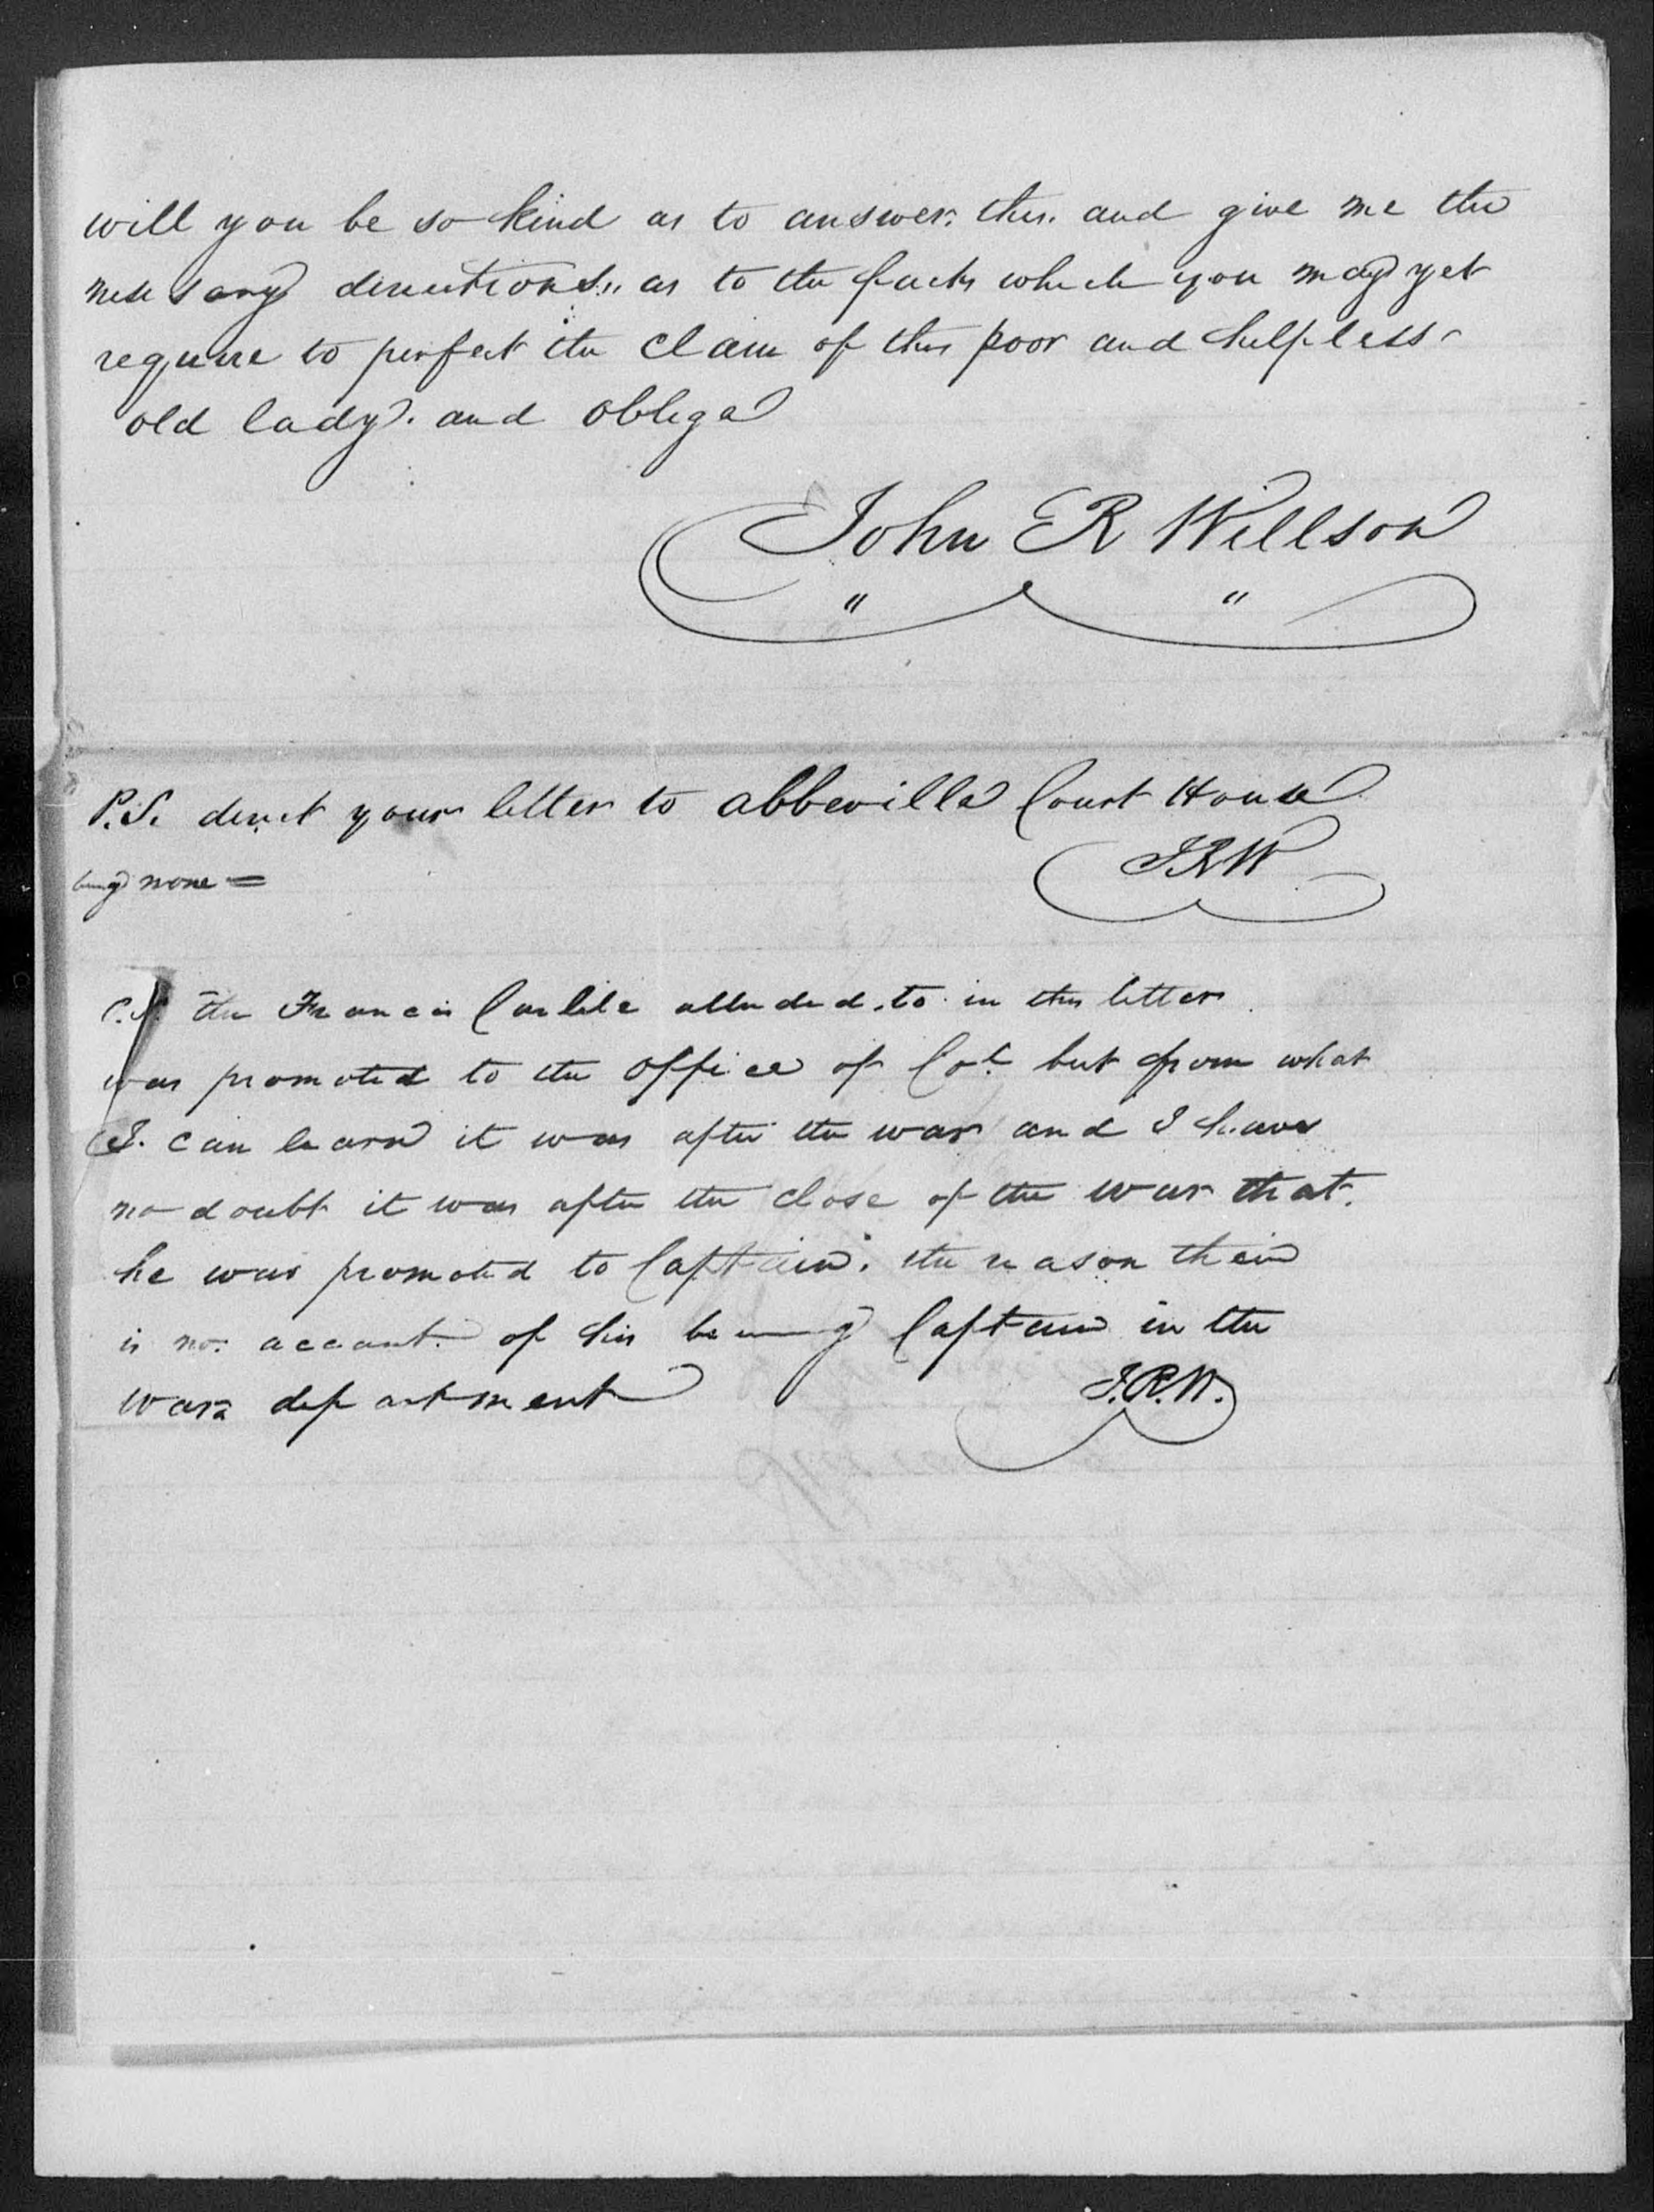will you be so kind as to answer this and give me the
necessary directions, as to the facts which you may yet
require to perfect the claim of this poor and helpless-
old lady and oblige

John ER Willson
P.S. direct your letter to abbeville Court House
JRW

being none=

P. S. the Francis Carlile alluded to in this letter
has promoted to the office of [illegible] but from what
I can learn it was after the war and I have
no doubt it was after the close of the war that
he was promoted to Captain:the reason their
is no account of his being Captain in the
war department
J. R. W.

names: Francis Carlile, John E R Willson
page: 89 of 91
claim: widow's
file: W. 10576, Francis Carlisle, S.C.